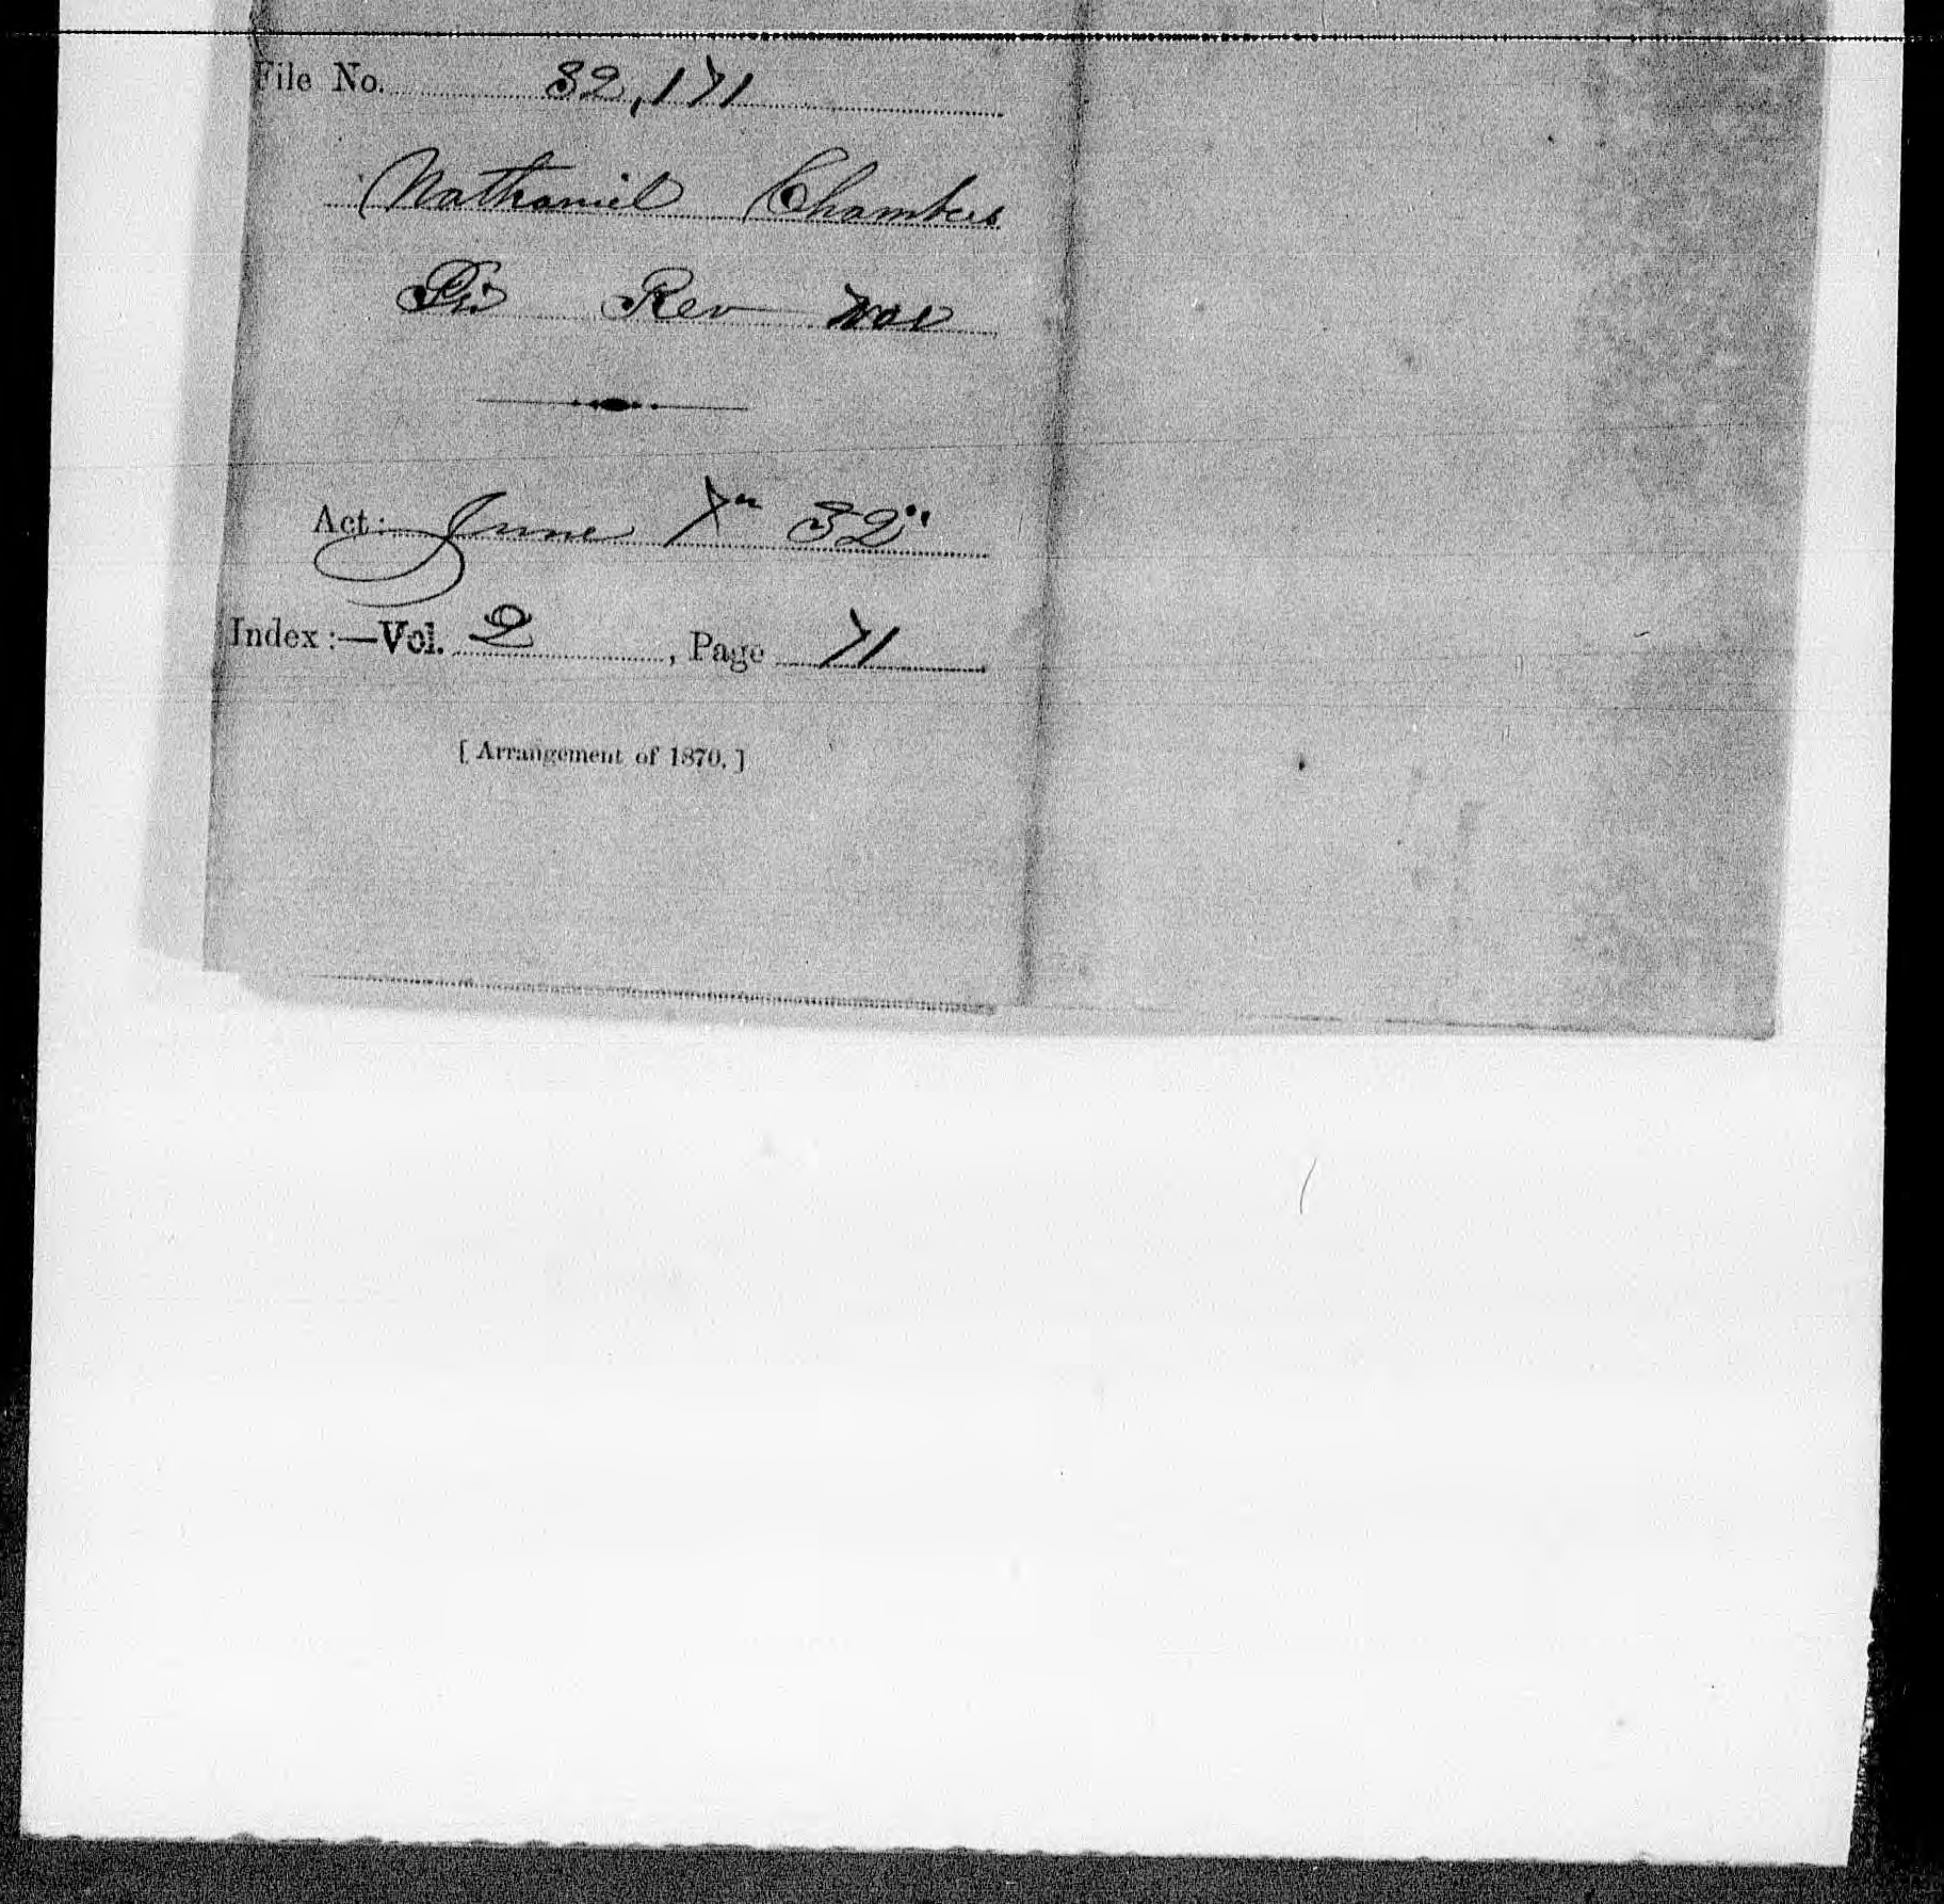File No.
82,171
Nathaniel Chambers
Private Rev Was
Act: June 7th '32.
Index:--Vol. 2, Page 71
[Arrangement of 1870.]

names: Nathaniel Chambers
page: 9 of 13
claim: survivor's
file: S. 32,171, Nathaniel Chambers, N.C.